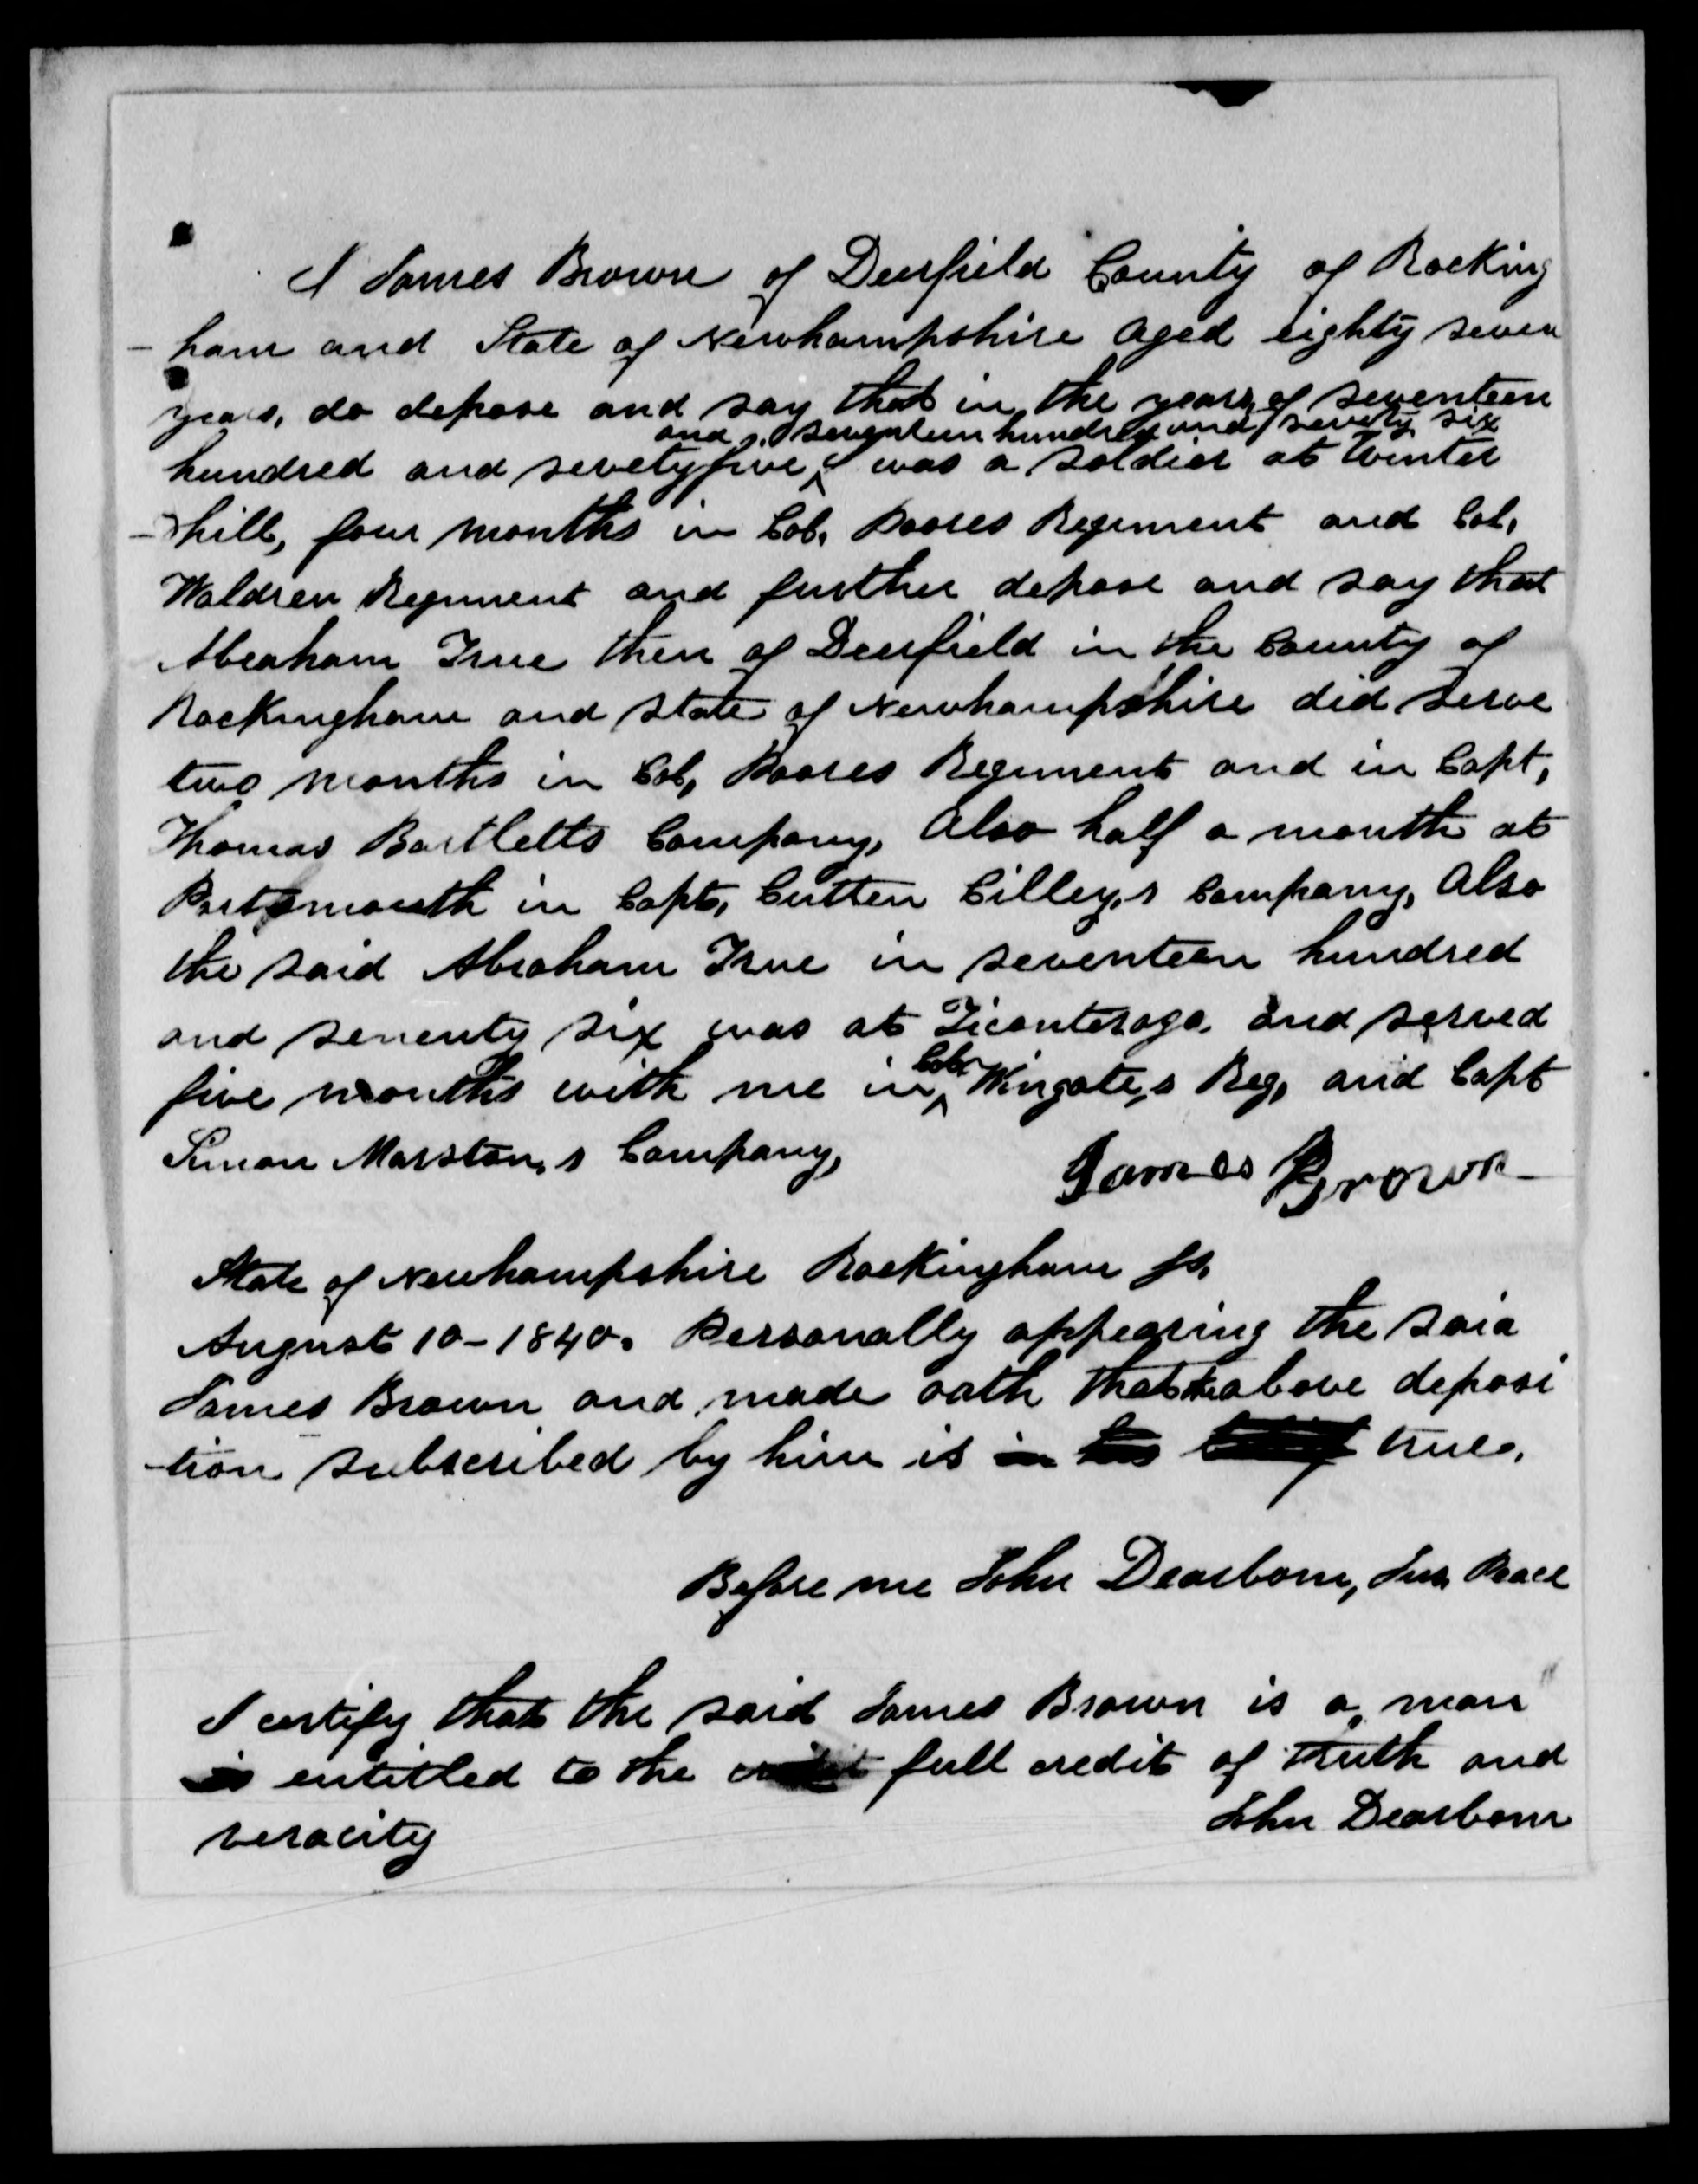I James Brown of Deerfield County of Rockingham and State of New [H]ampshire aged eighty seven years, do depose and say that in the years of seventeen hundred and sevety [seventy] five and seventeen hundred and sevety[seventy] six I was a soldier at Winter hills, four months in Col. Poores Regiment and Col. Waldren Regiment and further depose and say that Abraham True then of Deerfield in the county of Rockingham and state of Newh[H]ampshire did serve two months in Col, Poores Regiment and in Camp, Thomas Bartletts Company, also half a month at Portsmouth in Capts. Cutler Cilley,[']s company, also the said Abraham True in seventeen hundred and seventy six was at Ticonterago [Ticonderaga], and served five months with me in Col Wingate,[']s Reg, and Cap Simon Marston,[']s Company,
James Brown
State of Newh[H]ampshire Rockingham ss
August 10-1840. Personally appearing the said James Brown and made oath that the above deposition subscribed by him is true.
Before me John Dearborn, Jus. [Justice] Peace
I certify that the said James Brown is a man entitled to the full credit of truth and veracity
John Dearborn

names: James Brown, Abraham True, Abraham True, James Brown, James Brown, John Dearborn, James Brown, John Dearborn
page: 23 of 24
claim: widow's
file: W. 16,451, Abraham True, N.H.